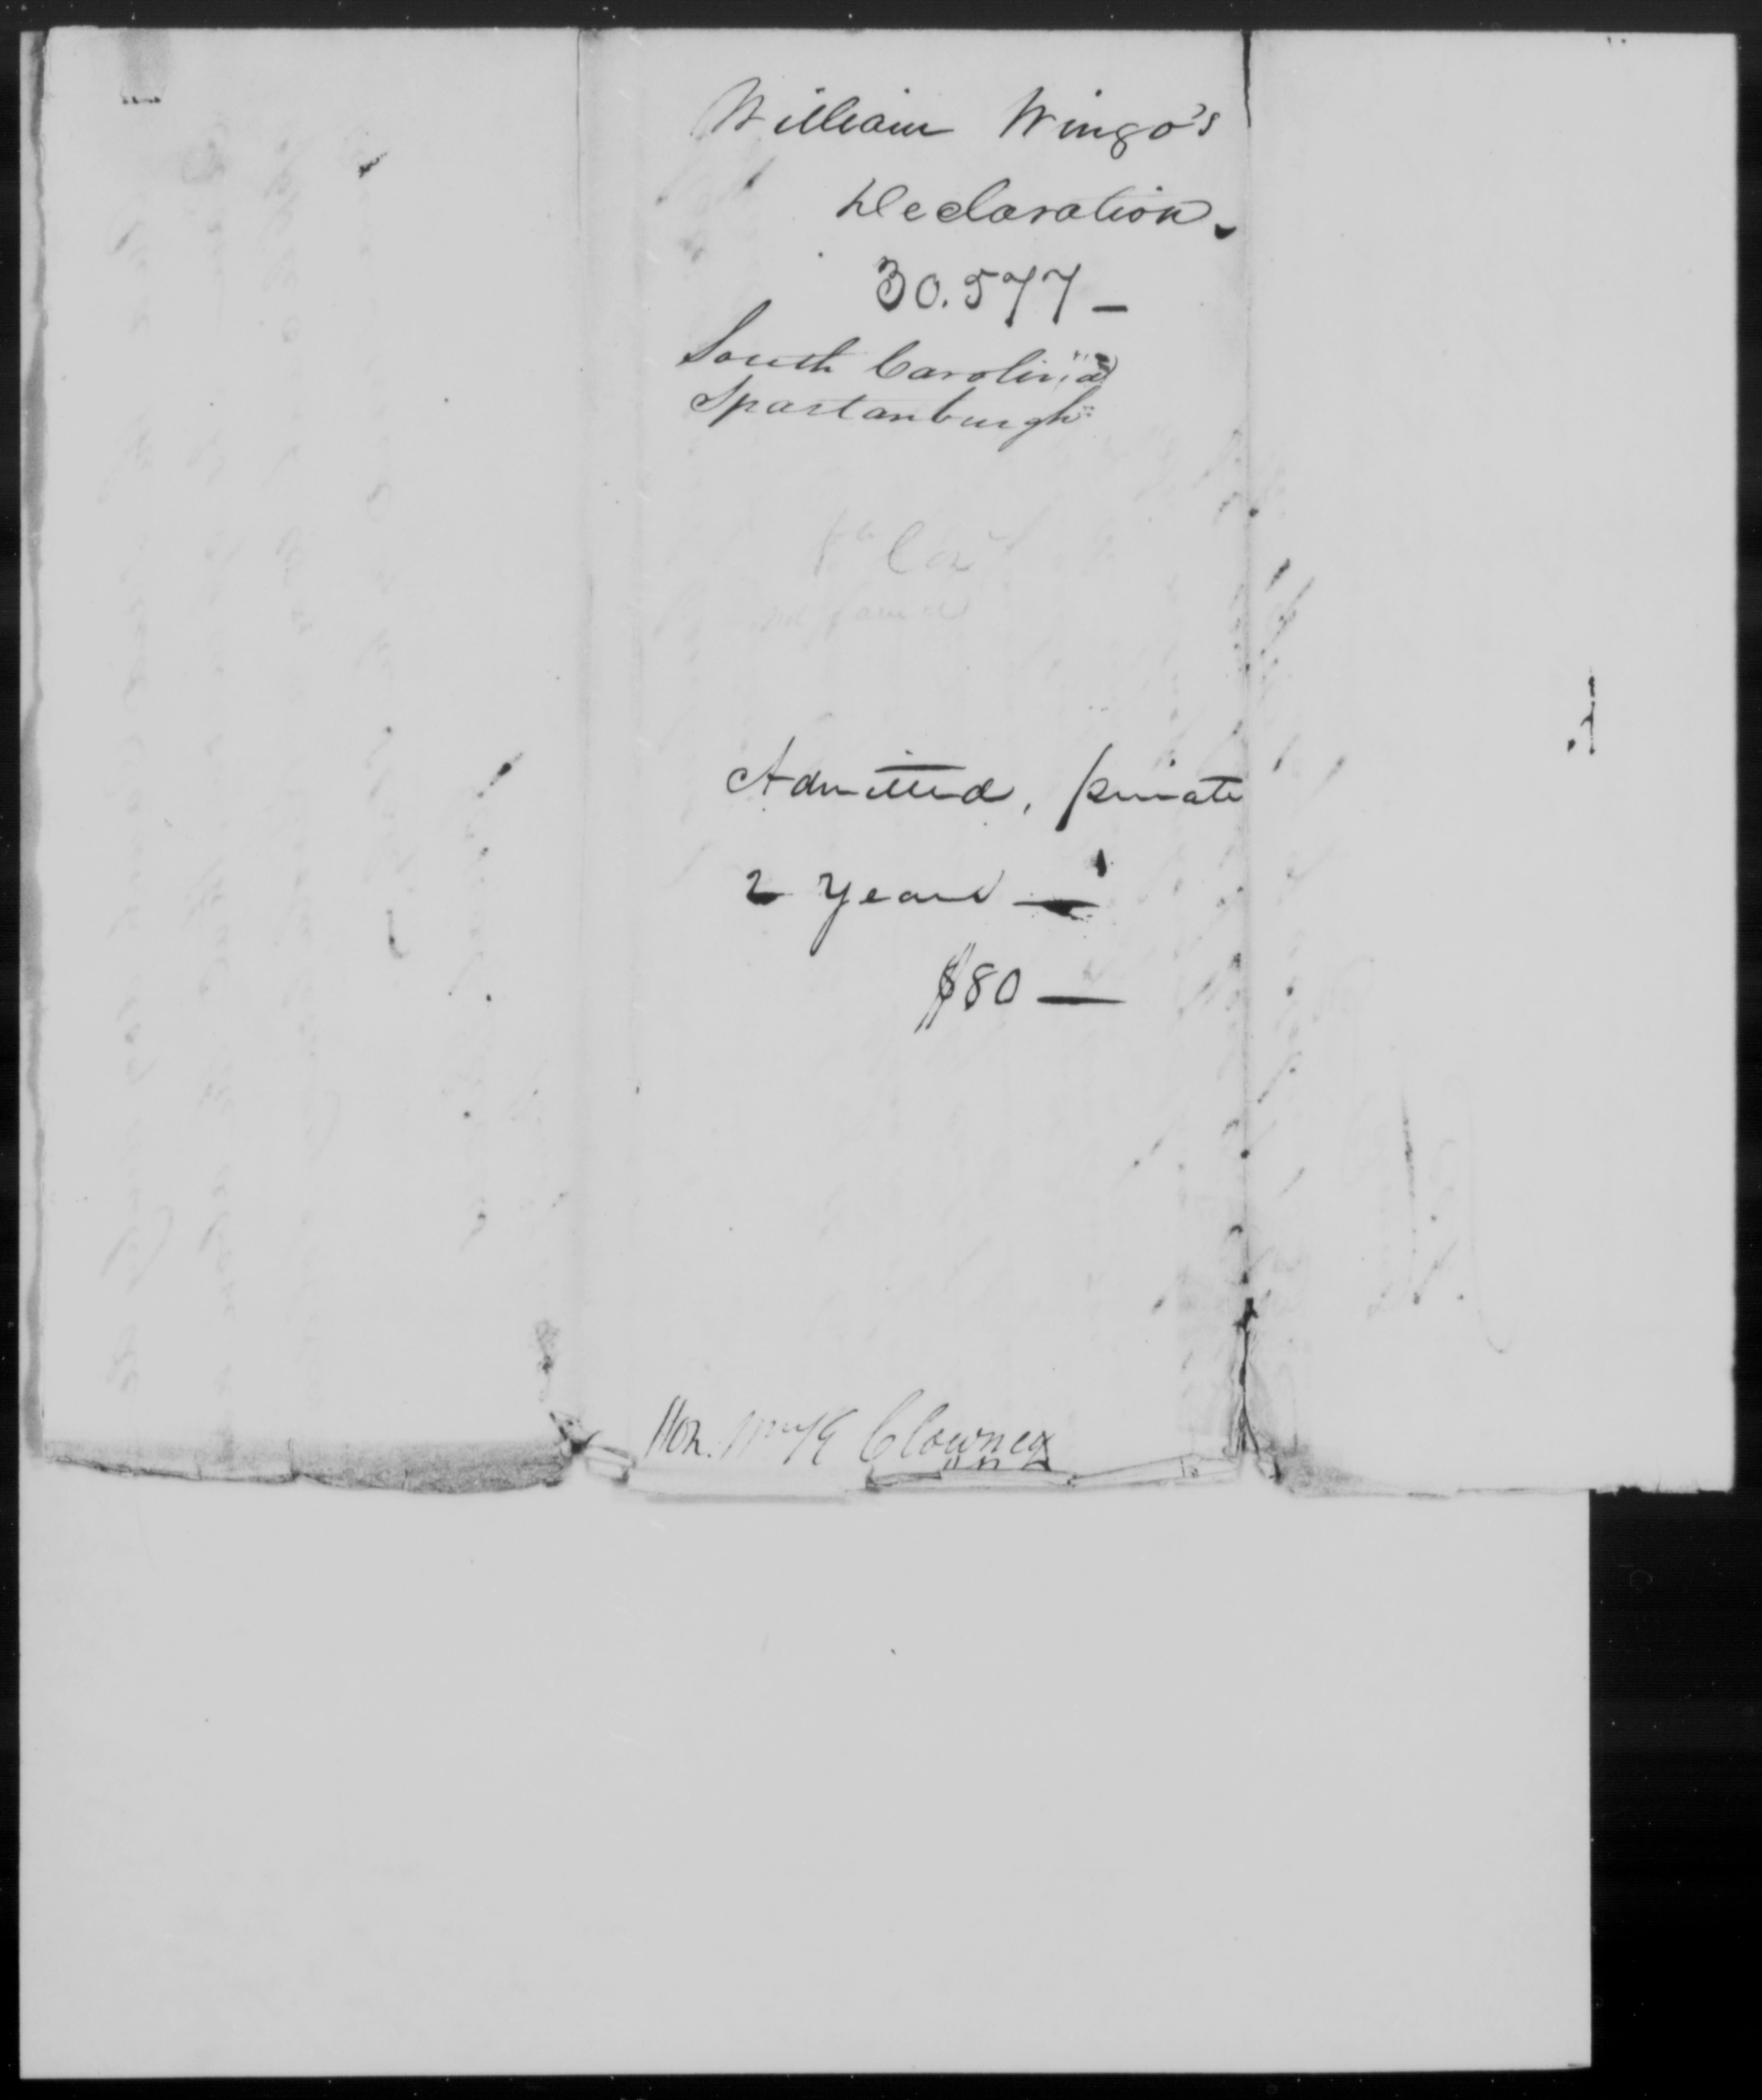William Wingo's
Declaration
30.577
South Carolina Spartanburgh
Admitted private 2 years $80
Hon. Wm K Cowney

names: William Wingo, Wm K Clowney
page: 3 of 19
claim: survivor's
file: S. 7,896, William Wingo, Va.